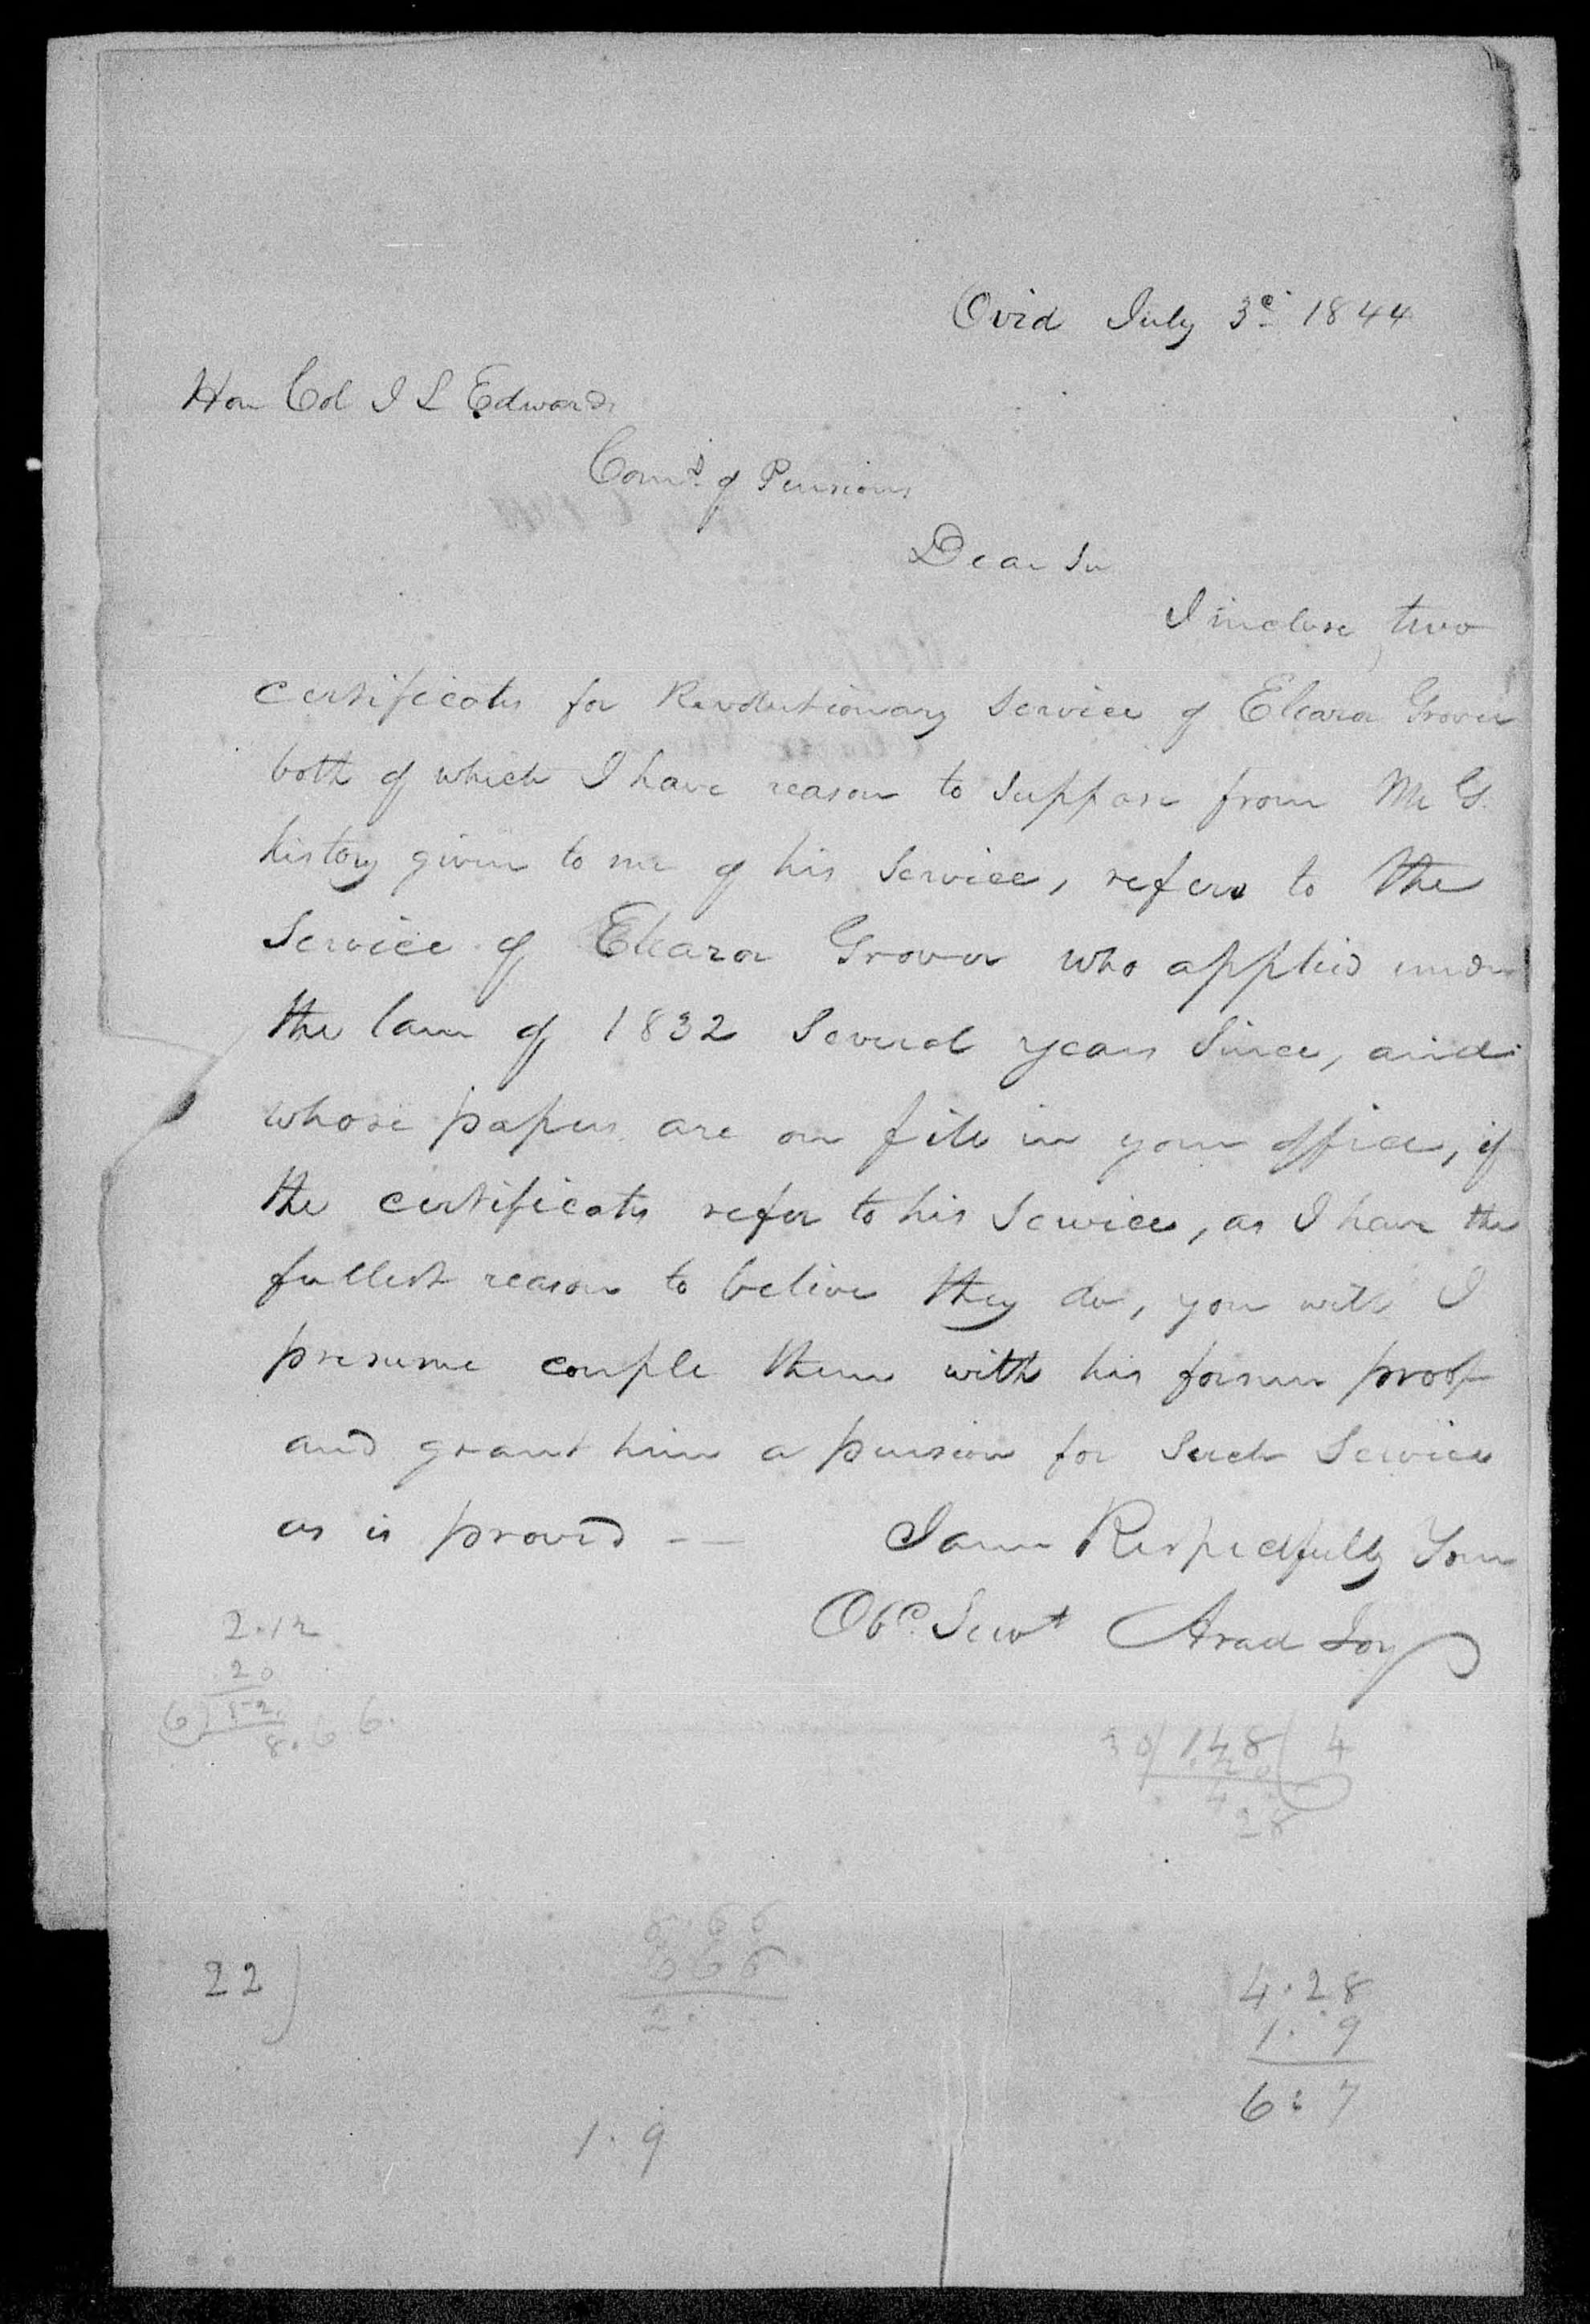[handwritten letter]
Ovid July 3d 1844
Hon Col J L Edwards
Com'r of Pensions

Dear Sir
I inclose two certificates for Revolutionary Service of Eleazer Grover both of which I have reason to suppose from Mr. G. history given to me of his service, refers to the Service of Eleazer Grover who applied under the law of 1832 several years since, and whose papers are on file in your office, if the certificate refer to his Services, as I have the fullest reason to believe they do, you will I presume couple them with  his former proof and grant him a pension for such services as is proved - 
I am Respectfully Your Ob't Serv't
/s/Arad Joy
[margin notes: 2.12 +20=52/6=8.66
22/8.66+6.66/2
30/148/4 20/4 28 4.28+1.9=6.7 1.9]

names: Eleazor Grover, Arad Joy, J L Edwards, Eleazor Grover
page: 32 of 43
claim: survivor's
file: S. 28748, Eleazer Grover, Continental Mass. Vt.